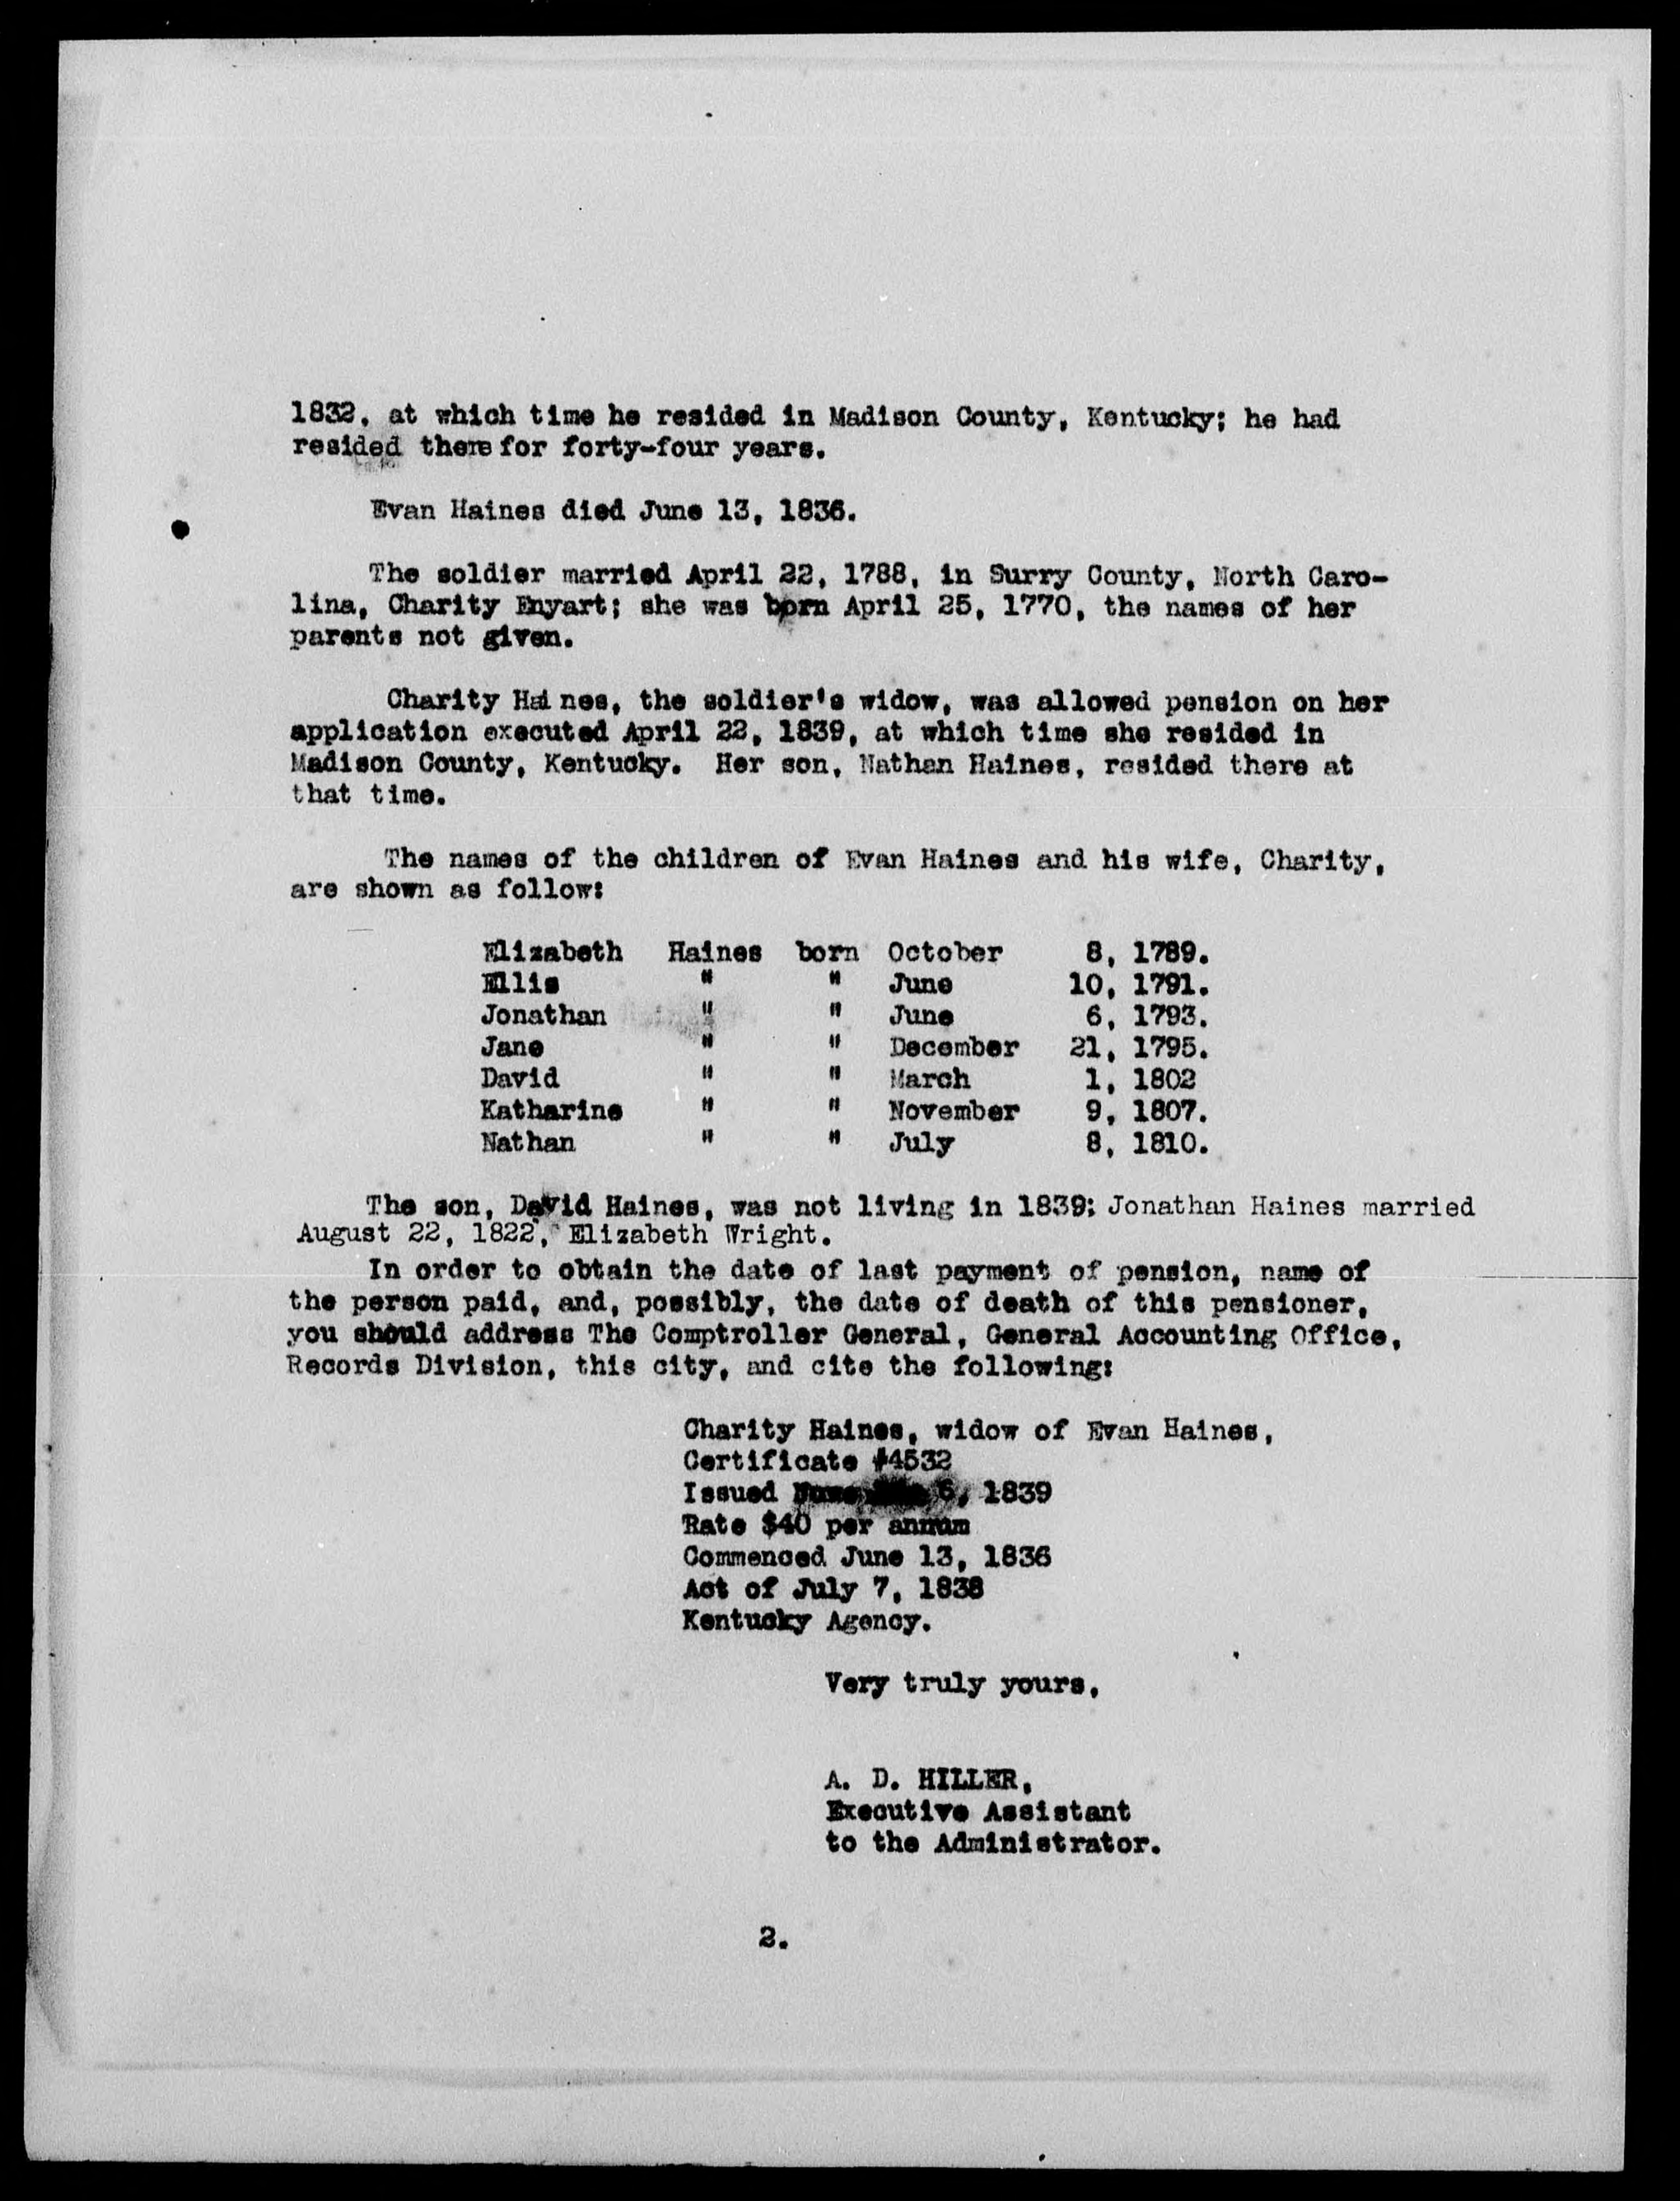1832, at which time he resided in Madison County, Kentucky; he had resided there for forty-four years.
         Evan Haines died June 13, 1836.

           The soldier married April 22, 1788, in Surry County, North Carolina, Charity Enyart; she was born April 25, 1770, the names of her parents not given. 
           Charity Haines, the soldier's widow, was allowed pension on her application executed April 22, 1839, at which time she resided in Madison County, Kentucky. Her son, Nathan Haines, resided there at that time.

        The names of the children of Evan Haines and his wife, Charity, are shown as follow:

Elizabeth Haines born October 8, 1789.
Ellis Haines born June 10, 1791.
Jonathan Haines born June 6, 1793.
Jane Haines born December 21, 1795.
David Haines born March 1,1802
Katharine Haines born November 8,1807.
Nathan Haines born July 8,1810.

         The son, David Haines, was not living in 1839; Jonathan Haines married August 22, 1822, Elizabeth Wright.

         In order to obtain the date of last payment of pension, name of the person paid, and, possibly, the date of death of this pensioner, you should address The Comptroller General, general Accounting Office, Records Division, this city, and cite the following:

Charity Haines, widow of Evan Haines,
Certificate #4532
Issued June 6,1839
Rate $40 per annum
Commenced June 13, 1836
Act of July 7, 1838
Kentucky Agency

                     Very truly yours,

                      A.D. Miller
                      Executive Assistant to the Administrator


2.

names: Jonathan Haines, David Haines, Evan Haines, Elizabeth Haines, David Haines, Elizabeth Wright, Nathan Haines, Charity Enyart, Evan Haines, Katharine Haines, Charity Haines, Evan Haines, Jane Haines, A D Hiller, Nathan Haines, Charity Haines, Ellis Haines, Jonathan Haines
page: 20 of 34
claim: widow's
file: W. 8897, Evan Haines, Ga